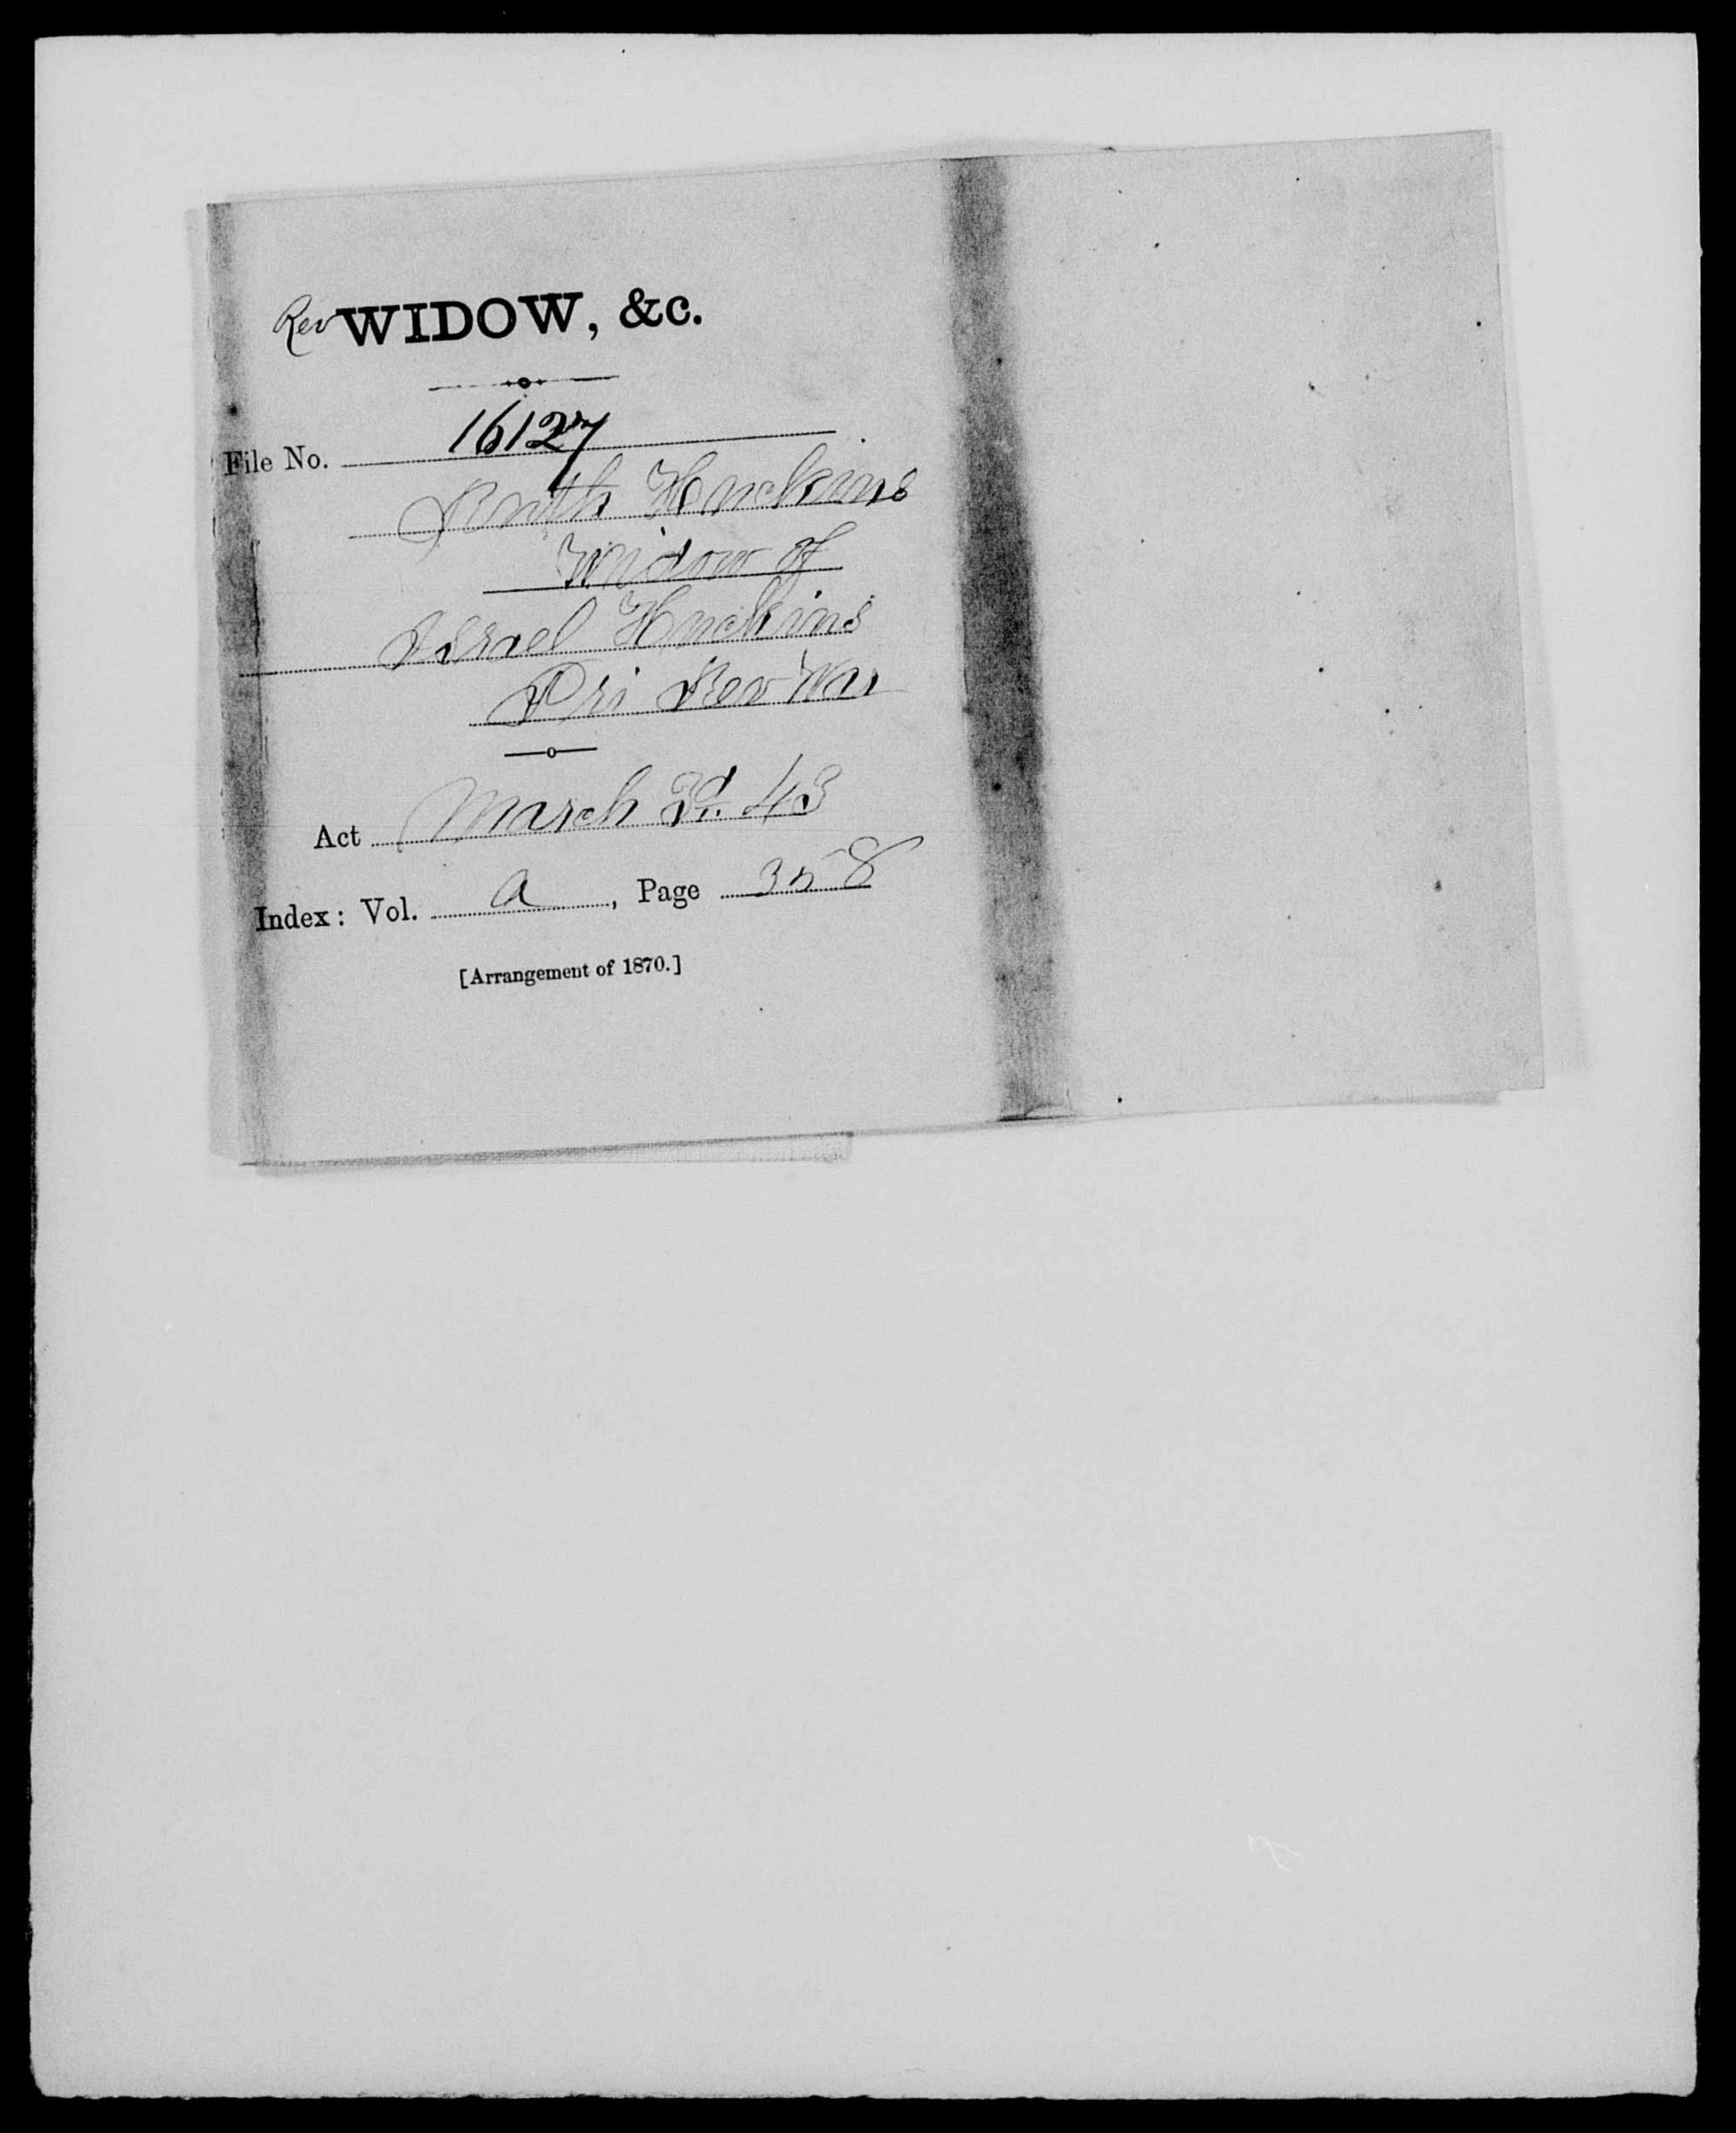Rev. WIDOW, &c.
File No. 16127
Ruth Huckins widow of Israel Huckins Pri. Rev. War
Act March 3rd, 1848
Index: Vol. A Page 308
[Arrangement of 1870]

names: Ruth Huckins, Israel Huckins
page: 24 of 35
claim: widow's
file: W. 16127, Israel Huckins, N.H.